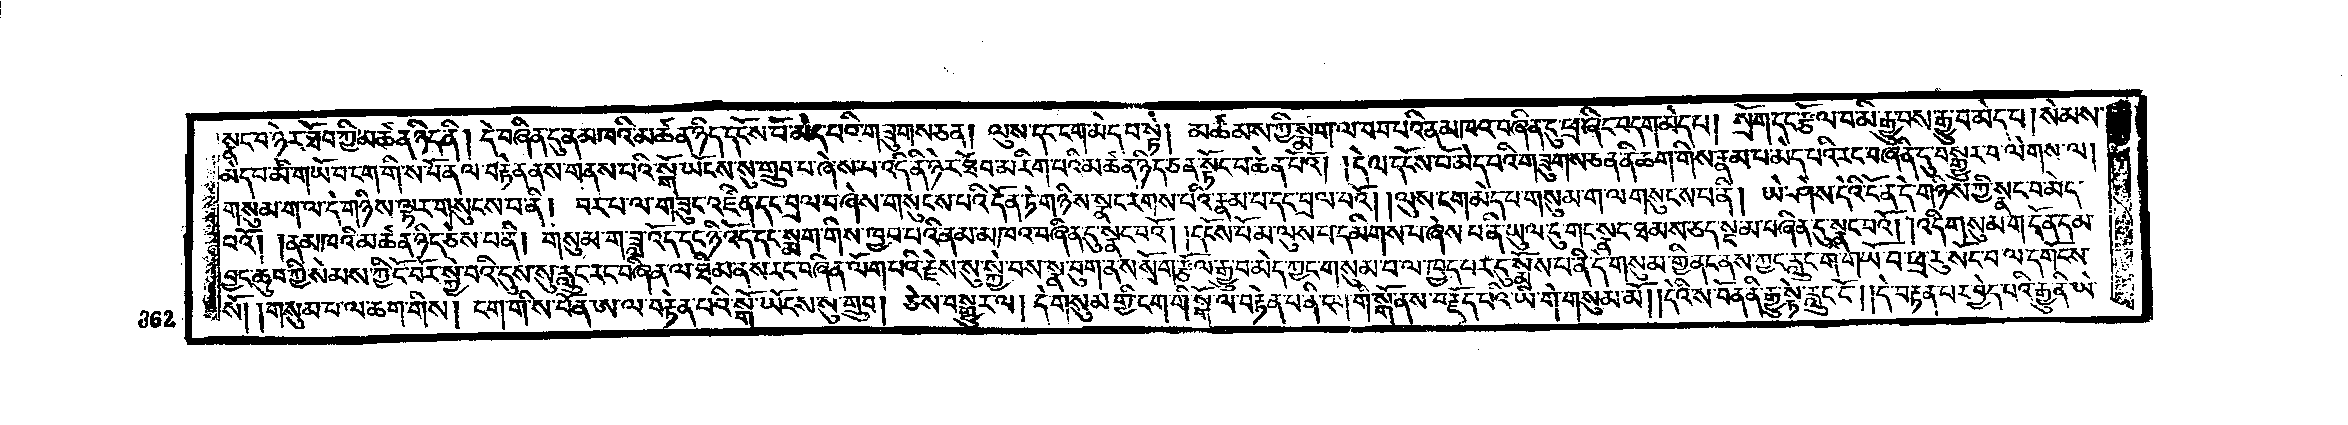སྣང་བ་ཉེར་ཐོབ་ཀྱི་མཚན་ཉིད་ནི། དེ་བཞིན་དུ་ནམ་མཁའི་མཚན་ཉིད་དངོས་པོ་མེད་པའི་གཟུགས་ཅན། ལུས་དང་ངག་མེད་པ་སྟེ། མཚམས་ཀྱི་སྨག་ལ་བབ་པའི་ནམ་མཁའ་བཞིན་དུ་ཕྲ་ཞིང་བདག་མེད་པ། སྲོག་དང་རྩོལ་བ་མི་རྒྱུ་བས་རྒྱུ་བ་མེད་པ། སེམས་
མེད་པ་མི་གཡོ་བ་ངག་གི་ས་བོན་ལ་བརྟེན་ནས་གནས་པའི་སྒོ་ཡོངས་སུ་གྲུབ་པ་ཞེས་པ་འདི་ནི་ཉེར་ཐོབ་མ་རིག་པའི་མཚན་ཉིད་ཅན་སྟོང་པ་ཆེན་པོའོ། །དེ་ལ་དངོས་པོ་མེད་པའི་གཟུགས་ཅན་ནི་ཆག་གིས་རྣམ་པ་མེད་པའི་རང་བཞིན་དུ་བསྒྱུར་བ་ལེགས་ལ།
གསུམ་ག་ལ་དེ་གཉིས་ལྟར་གསུངས་པ་ནི། བར་པ་ལ་གཟུང་འཛིན་དང་བྲལ་བ་ཞེས་གསུངས་པའི་དོན་ཏེ་གཉིས་སྣང་རགས་པའི་རྣམ་པ་དང་བྲལ་བའོ། །ལུས་ངག་མེད་པ་གསུམ་ག་ལ་གསུངས་པ་ནི། ཡེ་ཤེས་དེའི་དོན?་དེ་གཉིས་ཀྱི་སྣང་བ་མེད་
པའོ། །ནམ་མཁའི་མཚན་ཉིད་ཅེས་པ་ནི། གསུམ་ག་ཟླ་འོད་དང་ཉི་འོད་དང་སྨག་གིས་ཁྱབ་པའི་ནམ་མཁའ་བཞིན་དུ་སྣང་བའོ། །དངོས་པོ་མ་ལུས་པ་དམིགས་པ་ཞེས་པ་ནི་ཡུལ་དུ་གང་སྣང་ཐམས་ཅད་སྔ་མ་བཞིན་དུ་སྣང་བའོ། །འདི་གསུམ་ག་དོན་དམ་
བྱང་ཆུབ་ཀྱི་སེམས་ཀྱི་ངོ་བོར་སྐྱེ་བའི་དུས་སུ་རླུང་རང་བཞིན་ལ་ཐིམ་ནས་རང་བཞིན་ལོག་པའི་རྗེས་སུ་སྐྱེ་བས་སྣ་བུག་ནས་སྲོག་རྩོལ་རྒྱུ་བ་མེད་ཀྱང་གསུམ་པ་ལ་ཁྱད་པར་དུ་སྨོས་པ་ནི་དེ་གསུམ་གྱི་ནང་ནས་ཀྱང་རླུང་གི་གཡོ་བ་ཕྲ་རུ་སོང་བ་ལ་དགོངས་
སོ། །གསུམ་པ་ལ་ཆག་གིས། ངག་གི་ས་བོན་ཨ་ལ་བརྟེན་པའི་སྒོ་ཡོངས་སུ་གྲུབ། ཅེས་བསྒྱུར་ལ། དེ་གསུམ་གྱི་ངག་གི་སྒོ་ལ་བརྟེན་པ་ནི་ངག་གི་སྒོ་ནས་བརྗོད་པའི་ཡི་གེ་གསུམ་མོ། །དེའི་ས་བོན་ནི་རྒྱུ་སྟེ་རླུང་ངོ། །དེ་བརྟན་པར་བྱེད་པའི་རྒྱུ་ནི་ཡི་?